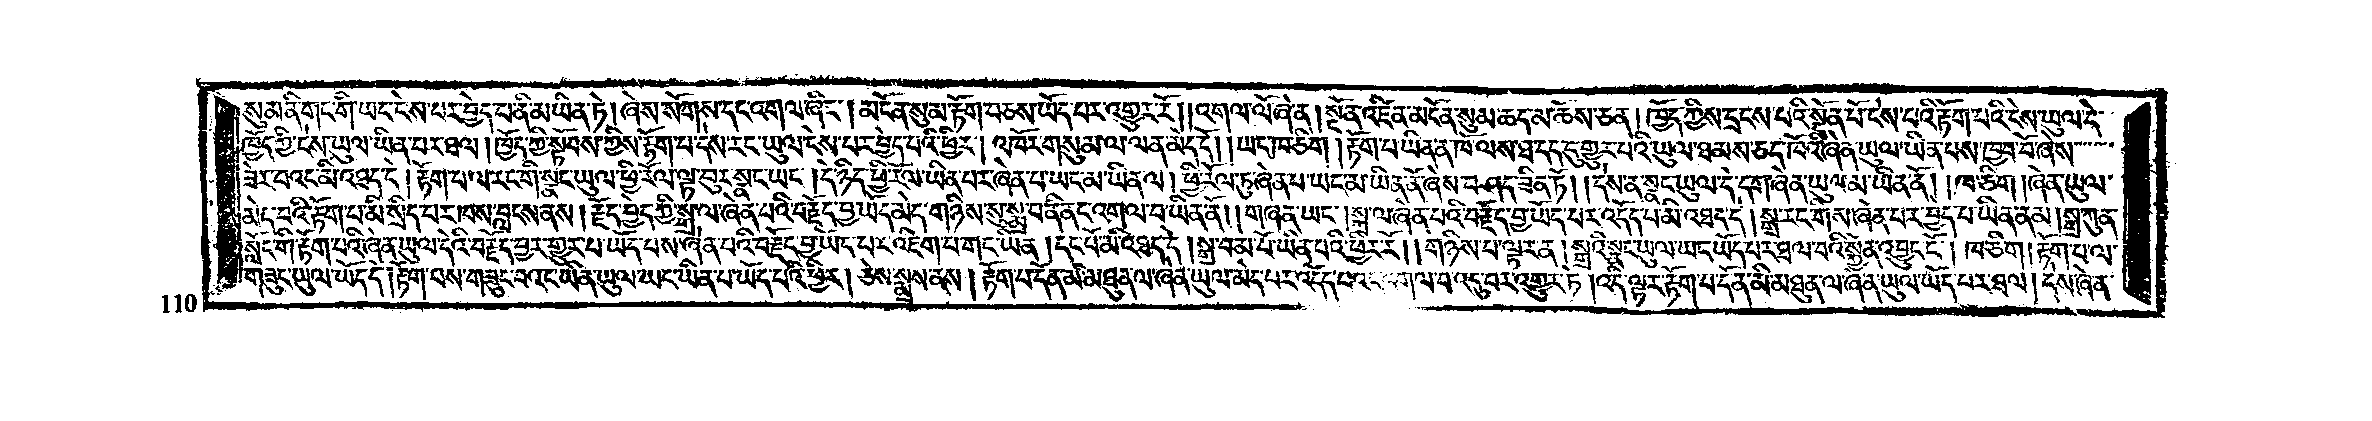སུམ་ནི་གང་གི་ཡང་ངེས་པར་བྱེད་པ་ནི་མ་ཡིན་ཏེ། ཞེས་སོགས་དང་འགལ་ཞིང་། མངོན་སུམ་རྟོག་བཅས་ཡོད་པར་འགྱུར་རོ། །འགལ་ལོ་ཞེ་ན། སྔོན་འཛིན་མངོན་སུམ་ཚད་མ་ཆོས་ཅན། ཁྱོད་ཀྱིས་དྲངས་པའི་སྔོན་པོ་ངེས་པའི་རྟོག་པའི་ངེས་ཡུལ་དེ་
ཁྱོད་ཀྱི་ངེས་ཡུལ་ཡིན་པར་ཐལ། ཁྱོད་ཀྱི་སྟོབས་ཀྱིས་རྟོག་པ་དེས་རང་ཡུལ་ངེས་པར་བྱེད་པའི་ཕྱིར། འཁོར་གསུམ་ལ་ལན་མེད་དོ། །ཡང་ཁ་ཅིག །རྟོག་པ་ཡིན་ན་ཁོ་ལས་ཐ་དད་དུ་གྱུར་པའི་ཡུལ་ཐམས་ཅད་ཁོའི་ཞེན་ཡུལ་ཡིན་པས་ཁྱབ་བོ་ཞེས་
ཟེར་བའང་མི་འཐད་དེ། རྟོག་པ་ལ་རང་གི་སྣང་ཡུལ་ཕྱི་རོལ་ལྟ་བུར་སྣང་ཡང་། དེ་ཉིད་ཕྱི་རོལ་ཡིན་པར་ཞེན་པ་ཡང་མ་ཡིན་ལ། ཕྱི་རོལ་ཏུ་ཞེན་པ་ཡང་མ་ཡིན་ནོ་ཞེས་བཤད་ཟིན་ཏོ། །དེས་ན་སྣང་ཡུལ་དེ་དག་ཞེན་ཡུལ་མ་ཡིན་ནོ། །ཁ་ཅིག །ཞེན་ཡུལ་
མེད་པའི་རྟོག་པ་མི་སྲིད་པར་ཁས་བླངས་ནས། རྗོད་བྱེད་ཀྱི་སྒྲ་ལ་ཞེན་པའི་བརྗོད་བྱ་ཡོད་མེད་གཉིས་སུ་སྨྲ་བ་ནི་ནང་འགལ་བ་ཡིན་ནོ། །གཞན་ཡང་། སྒྲ་ལ་ཞེན་པའི་བརྗོད་བྱ་ཡོད་པར་འདོད་པ་མི་འཐད་དེ། སྒྲ་རང་གིས་ཞེན་པར་བྱེད་པ་ཡིན་ནམ། སྒྲ་ཀུན་
སློང་གི་རྟོག་པའི་ཞེན་ཡུལ་དེའི་བརྗོད་བྱར་གྱུར་པ་ཡོད་པས་ཞེན་པའི་བརྗོད་བྱ་ཡོད་པར་འཇོག་པ་གང་ཡིན། དང་པོ་མི་འཐད་དེ། སྒྲ་བེམ་པོ་ཡིན་པའི་ཕྱིར་རོ། །གཉིས་པ་ལྟར་ན། སྒྲའི་སྣང་ཡུལ་ཡང་ཡོད་པར་ཐལ་བའི་སྐྱོན་འབྱུང་ངོ། ཁ་ཅིག །རྟོག་པ་ལ་
གཟུང་ཡུལ་ཡོད་དེ། རྟོག་པས་གཟུང་བའང་ཡིན་ཡུལ་ཡང་ཡིན་པ་ཡོད་པའི་ཕྱིར། ཅེས་སྨྲས་ནས། རྟོག་པ་དོན་མི་མཐུན་ལ་ཞེན་ཡུལ་མེད་པར་འདོད་པའང་འགལ་བ་འདུ་བར་འགྱུར་ཏེ། འདི་ལྟར་རྟོག་པ་དོན་མི་མཐུན་ལ་ཞེན་ཡུལ་ཡོད་པར་ཐལ། དེས་ཞེན་